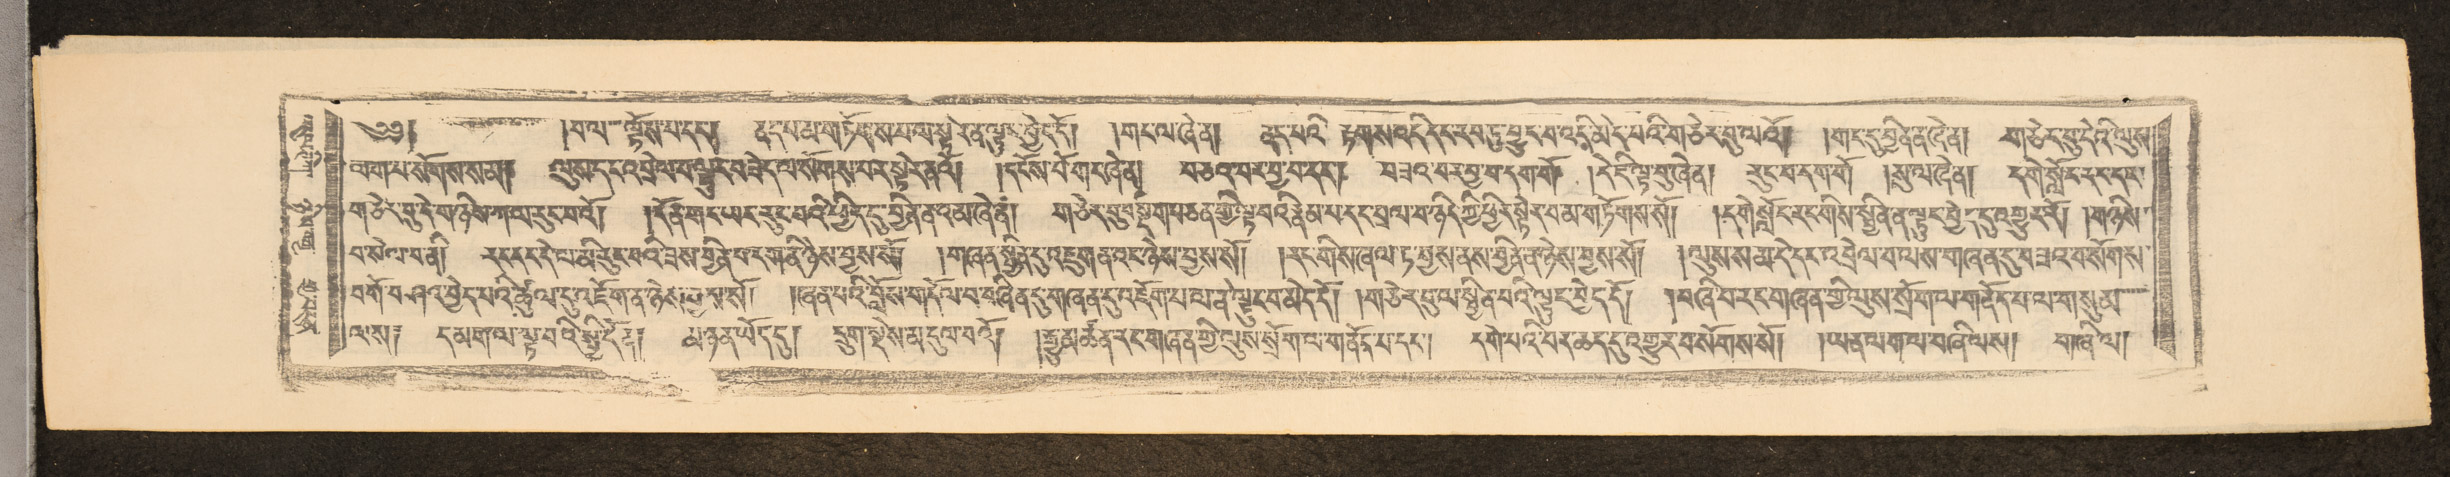༄༅། །བ་ལ་ལྟོས་པ་དང་། ནད་པ་མ་གཏོགས་པ་ལ་སྟེར་ན་ལྟུང་བྱེད་དོ། །གང་ལ་ཞེ་ན། ནད་པའི་རྟགས་འདི་དང་རབ་ཏུ་བྱུང་བ་འདི་མེད་པའི་གཅེང་བུ་ལའོ། །གང་དུ་བྱིན་ན་ཞེན། གཅེར་བུ་དེའི་ལུས་
ལག་པ་སོགས་སམ། ལུས་དང་འབྲེལ་བ་ལྷུང་བཟེད་ལ་སོགས་པར་སྟེར་ནའོ། །དངོས་པོ་གང་ཞེ་ན། བཅའ་བར་བྱ་བ་དང་། བཟའ་བར་བྱ་བ་དག་གོ །དེ་ཇི་ལྟ་བུ་ཞེ་ན། རུང་བ་དག་གོ །སུ་ལ་ཞེན། དགེ་སློང་རང་དང་
གཅེར་བུ་དེ་གཉིས་ཀ་ལ་རུང་བའོ། །དོན་གང་ཡང་རུང་བའི་ཕྱིར་དུ་བྱིན་ནའམ་ཞེ་ན། གཅེར་བུ་བསྡིག་བཅན་གྱི་ལྟ་བའི་རྣམ་པ་དང་བྲལ་བ་ཉིད་ཀྱི་ཕྱིར་སྟེར་བ་མ་གཏོགས་སོ། །དགེ་སློང་རང་གིས་སྦྱིན་ན་ལྟུང་བྱེད་དུ་འགྱུར་རོ། །གཉིས་
པ་སེལ་བ་ནི། རང་དང་དེ་ལ་མི་རུང་བའི་ཟས་བྱིན་པ་ངག་ནི་ཉེས་བྱས་སོ། །གཞན་སྦྱིན་དུ་འཇུག་ནའང་ཉེས་བྱས་སོ། །རང་གིས་ནལ་ཏ་བྱས་ནས་བྱིན་ན་ཉེས་བྱས་སོ། །ལུས་སམ་དེ་དང་འབྲེལ་བ་ལས་གཞན་དུ་བཟའ་བ་སོགས་
བགོ་བཤའ་བྱེད་པའི་ཚུལ་དུ་འཇོག་ན་ཉེས་བྱས་སོ། །ཞན་པའི་བློས་གདོལ་བ་བཞིན་དུ་གཞན་དུ་འཇོག་པ་ལ་ནི་ལྟུང་བ་མེད་དོ། །གཅེར་བུ་ལ་སྦྱིན་པའི་ལྟུང་བྱེད་དོ། །བཞི་པ་རང་གཞན་གྱི་ལུས་སོག་ལ་གནོད་པ་ལ་གསུམ་
ལས། དམག་ལ་ལྟ་བའི་སྦྱི་དོན། མཉན་ཡོད་དུ། དྲུག་སྡེས་མ་དུལ་བའོ། །རྒྱུ་མཚན་རང་གཞན་གྱི་ལུས་སྲོག་ལ་གནོད་བ་དང་། དགེ་བའི་བར་ཆད་དུ་འགྱུར་བ་སོགས་སོ། །ཡན་ལག་ལ་བཞི་ལས། གཞི་ལ།